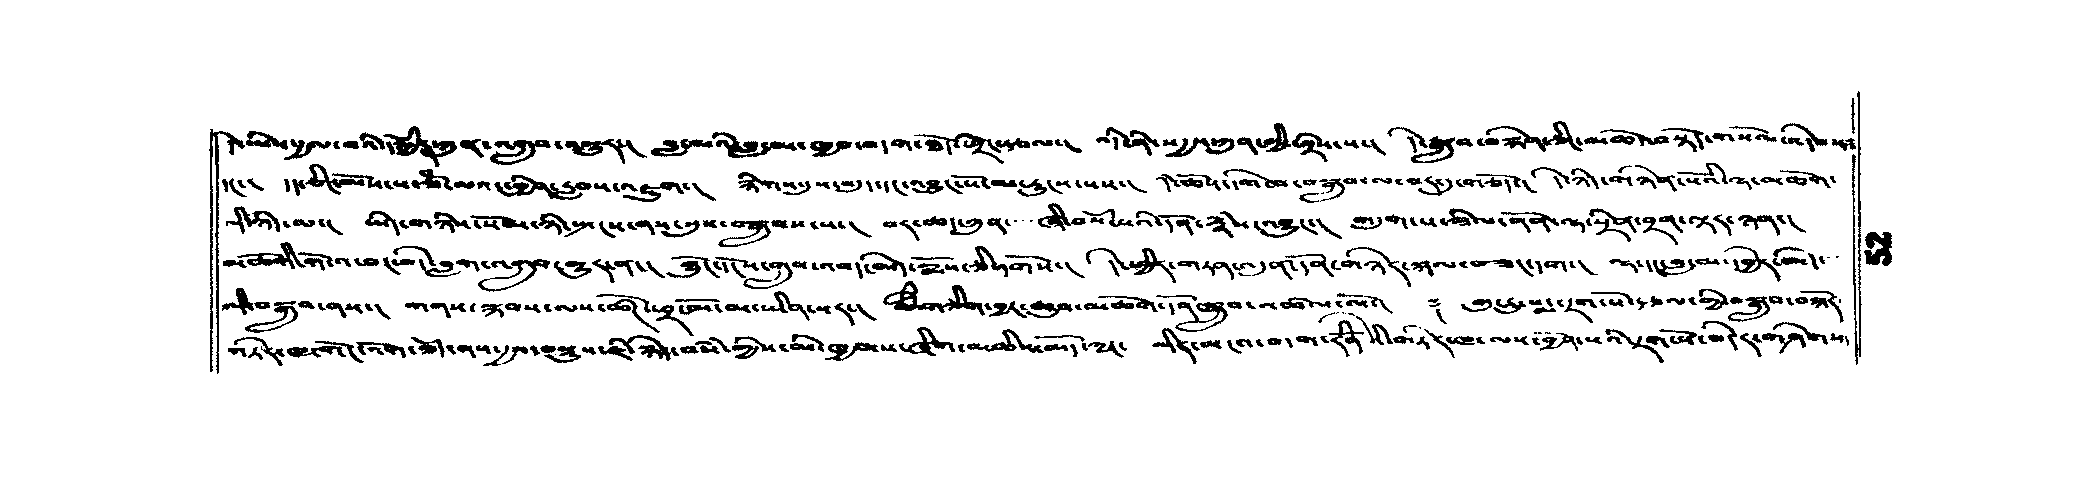དེ་ཡིས་རྒྱལ་བའི་དཀྱིལ་འཁོར་ཀུན་འགྲུབ་འགྱུར། །བླ་མའི་བླ་མ་ཁྱབ་བདག་ཐོད་ཕྲེང་སྩལ། །འདི་ནི་སངས་རྒྱས་ཀུན་གྱི་ཕྲིན་ལས་པ། །དེ་སྒྲུབ་བསྙེན་ཅིང་མཆོད་བསྟོད་གསོལ་འདེབས་
དང་། དད་ཅིང་མོས་པ་ཙམ་ལའང་བྱིན་རླབས་འཇུག་།སྙིགས་དུས་བདུད་དང་འབྱུང་པོ་མ་རུངས་པས། །དམ་ཆོས་དགེ་བ་བསྒྲུབ་ལ་བར་དུ་གཅོད། །དེ་ཉིད་གཉེན་པོའི་ལྷ་མཆོག་
འདི་ཉིད་ལ། །ཡིད་གཉིས་སོམ་ཉི་སྤངས་ནས་སུས་བསྒྲུབས་པ། །བར་ཆད་ཀུན་ཞི་བསམ་པའི་དོན་རྣམས་འབྱུང་། །གདུག་པ་ཟིལ་གནོན་ལྷ་སྲིན་བྲན་ལྟར་ཉན། །
མཆོག་གི་གོ་འཕང་བདེ་སླག་འགྲུབ་གྱུར་ན། །ཐུན་མོང་དངོས་གྲུབ་འབད་མེད་སྨོས་ཅི་དགོས། །དེ་ཕྱིར་གཏན་དུ་འདུན་དོན་གཉེར་སྐལ་བཟང་དག་།ལྷ་དང་བླ་མ་དབྱེར་མེད་
འདི་བསྒྲུབ་ནས། །གནས་སྐབས་ལས་ཚོགས་ཕྲ་མོ་མ་ཡིན་པར། །ཚེ་གཅིག་བྱང་ཆུབ་མཆོག་དོན་སྒྲུབ་འཚལ་ལོ། ། ༈ གུ་རུ་པདྨ་དྲག་པོ་རྩལ་གྱི་བསྒྲུབ་སྐོར་
གཏེར་ཁ་གོང་འོག་ཐམས་ཅད་ནས་རྒྱས་བསྡུས་ཇི་སྙེད་བསམ་གྱིས་མི་ཁྱབ་ཞིག་མཆིས་མོད་ཀྱང་། འདིར་མངའ་བདག་རིན་པོ་ཆེའི་གཏེར་ཁ་ལས་བྱོན་པའི་དྲག་པོ་བདེར་གཤེགས་